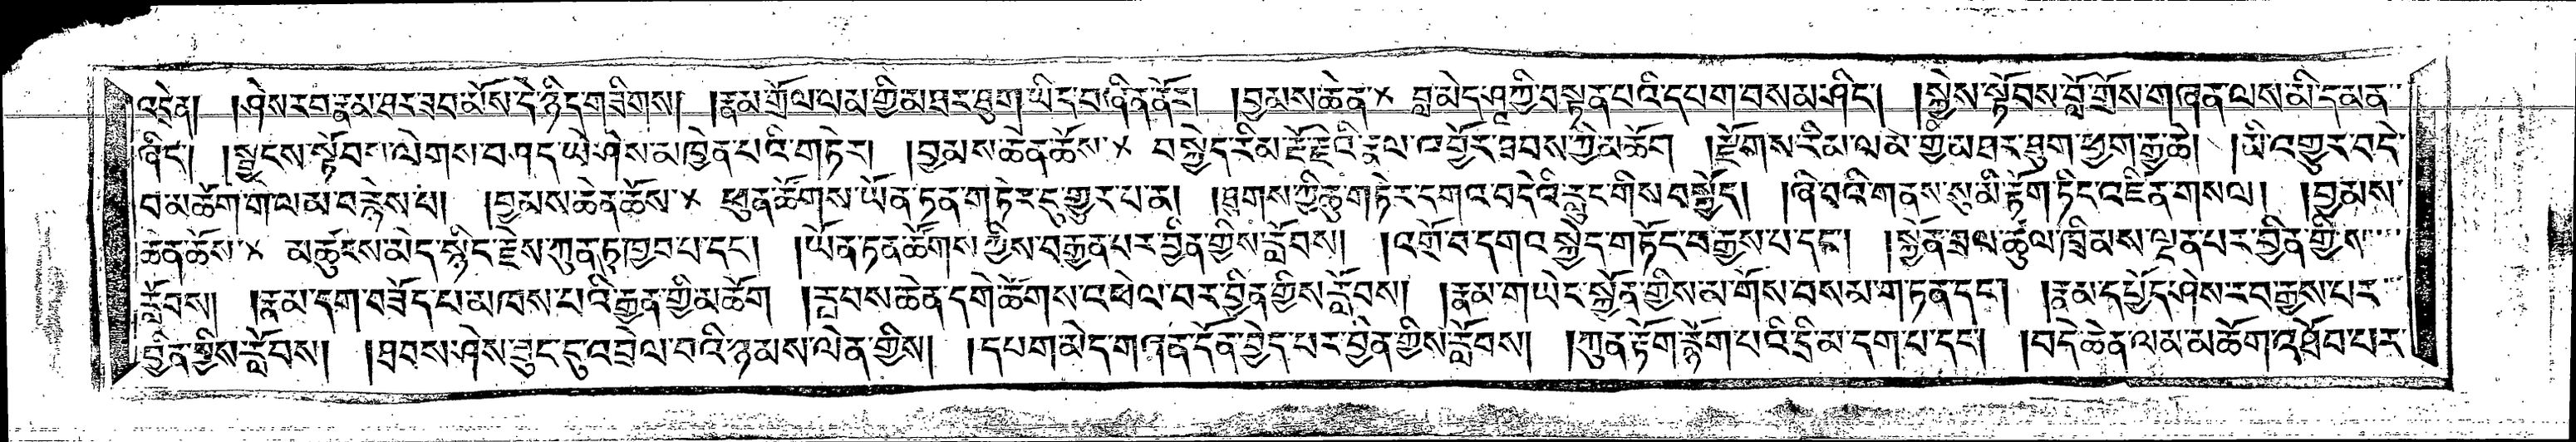འདྲེན། །ཤེས་རབ་རྣམ་ཐར་ཟབ་མོས་དེ་ཉིད་གཟིགས། །རྣམ་གྲོལ་ལམ་གྱི་མཐར་ཐུག་ཡིད་བཞིན་ནོར། །བྱམས་ཆེན་{྾}་བླ་མེད་ཤཱཀྱི་བསྟན་པའི་དཔག་བསམ་ཤིང་། །སྐྱེས་སྟོབས་བློ་གྲོས་གཞན་ལས་མི་དམན་
ཞིང་། །སྦྱངས་སྟོབས་ལེགས་བཤད་ཡེ་ཤེས་མཁྱེན་པའི་གཏེར། །བྱམས་ཆེན་ཆོས་{྾}་བསྐྱེད་རིམ་རྡོ་རྗེའི་རྣལ་འབྱོར་ཐབས་ཀྱི་མཆོག །རྫོགས་རིམ་ལམ་གྱི་མཐར་ཐུག་ཕྱག་རྒྱ་ཆེ། །མི་འགྱུར་བདེ་
བ་མཆོག་གི་ལམ་བརྙེས་པ། །བྱམས་ཆེན་ཆོས་{྾}་ཕུན་ཚོགས་ཡོན་ཏན་གཏེར་དུ་གྱུར་པ་ན། །ཐུགས་ཀྱི་ཆུ་གཏེར་དགའ་བདེའི་རླུང་གིས་བསྐྱོད། །ཞི་བའི་གནས་སུ་མི་རྟོག་ཏིང་འཛིན་གསལ། །བྱམས་
ཆེན་ཆོས་{྾}་མཚུངས་མེད་སྙིང་རྗེས་ཀུན་ཏུ་ཁྱབ་པ་དང་། །ཡོན་ཏན་ཚོགས་ཀྱིས་བརྒྱན་པར་བྱིན་གྱིས་རློབས། །འགྲོ་བ་དགའ་སྐྱེད་གཏོང་བ་རྒྱས་པ་དང་། །སྐྱོན་བྲལ་ཚུལ་ཁྲིམས་ལྡན་པར་བྱིན་གྱིས་
རློབས། །རྣམ་དག་བཟོད་པ་མཁས་པའི་རྒྱན་གྱི་མཆོག །རླབས་ཆེན་དགེ་ཚོགས་འཕེལ་བར་བྱིན་གྱིས་རློབས། །རྣམ་གཡེང་སྐྱོན་གྱིས་མ་གོས་བསམ་གཏན་དང་། །རྣམ་དཔྱོད་ཤེས་རབ་རྒྱས་པར་
བྱིན་གྱིས་རློབས། །ཐབས་ཤེས་ཟུང་དུ་འབྲེལ་བའི་ཉམས་ལེན་གྱིས། །དཔག་མེད་གཞན་དོན་བྱེད་པར་བྱིན་གྱིས་རློབས། །ཀུན་རྟོག་རྙོག་པའི་དྲི་མ་དག་པ་དང་། །བདེ་ཆེན་ལམ་མཆོག་འཐོབ་པར་